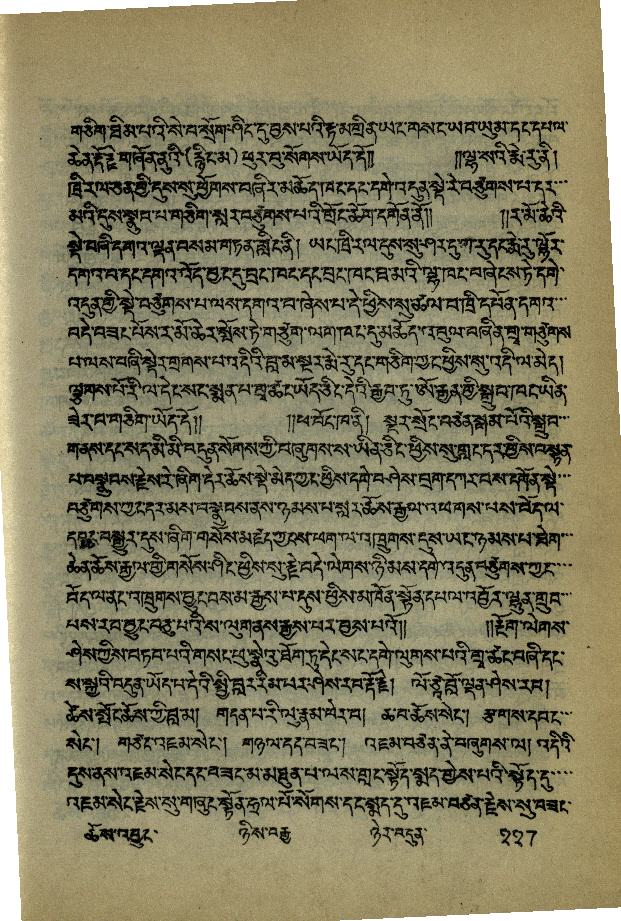གཅིག་ཐིམ་པའི་སེ་བ་སྲོག་ཤིང་དུ་བྱས་པའི་རྟ་མགྲིན་ཡང་གསང་ཡབ་ཡུམ་དང་དཔལ་
ཆེན་རྡོ་རྗེ་གཞོན་ནུའི་རྙིང་མ་ཕུར་བུ་སོགས་ཡོད་དོ།། །།ལྷ་སའི་རྨེ་རུ་ནི།
ཁྲི་རལ་ཅན་གྱི་དུས་སུ་ཕྱོགས་བཞིར་མཆོད་ཁང་དང་དགེ་འདུན་སྡེ་རེ་བཙུགས་པ་དར་
མའི་དུས་སྣུབ་པ་གཅིག་སླར་བཙུགས་པའི་གྲོང་ཆོག་དགོན་ནོ།། །།ར་མོ་ཆེའི་
སྡེ་བཞི་དགའ་ལྡན་བསམ་གཏན་གླིང་ནི། ཡང་ཁྲི་རལ་དུས་སུ་ཤར་དུ་ཀ་རུ་དང་རྨེ་རུ་ལྷོར་
དགའ་བ་དང་དགའ་འོད་བྱང་དུ་བྲང་ཁང་དང་བྲང་ཁང་ཐ་མའི་ལྷ་ཁང་བཞེངས་ཏེ་དགེ་
འདུན་གྱི་སྡེ་བཙུགས་པ་ལས་དགའ་བ་ཞེས་པ་དེ་ཕྱིས་སུ་ཚལ་བ་ཁྲི་དཔོན་དགའ་
བདེ་བཟང་པོས་ར་མོ་ཆེར་སྤོས་ཏེ་གཙུག་ལག་ཁང་དུ་མཆོད་འབུལ་བཞིན་གྲྭ་བཙུགས་
པ་ལས་བཞི་སྡེར་གྲགས་པ་འདིའི་བླ་མ་སྔར་རྨེ་རུ་དང་གཅིག་ཀྱང་ཕྱིས་སུ་འདི་ལ་མེད།
ལྕགས་པོ་རི་ལ་དེང་སང་སྨན་པ་གྲྭ་ཚང་ཡོད་ཅིང་དེའི་རྒྱབ་ཏུ་ཨོ་རྒྱན་གྱི་སྒྲུབ་ཁང་ཡིན་
ཟེར་བ་གཅིག་ཡོད་དོ།། །།ཕ་བོང་ཁ་ནི། སྔར་སྲོང་བཙན་སྒམ་པོའི་སྒྲུབ་
གནས་དང་སད་མི་མི་བདུན་སོགས་ཀྱི་བཞུགས་ས་ཡིན་ཅིང་ཕྱིས་སུ་གླང་དར་གྱིས་བསྟན་
པ་བསྣུབས་རྗེས་རེ་ཞིག་དེར་ཆོས་སྡེ་མེད་ཀྱང་ཕྱིས་དགེ་བཤེས་བྲག་དཀར་བས་དགོན་སྡེ་
བཙུགས་ཀྱང་དར་མས་བསྣུབས་ནས་ཉམས་པ་སླར་ཆོས་རྒྱལ་འཕགས་པས་བོད་ལ་
དབང་བསྒྱུར་དུས་ཞིག་གསོས་མཛད་ཀྱང་ས་ཕག་ལ་འཁྲུགས་དུས་ཡང་ཉམས་པ་ཐེག་
ཆེན་ཆོས་རྒྱལ་གྱི་གསོས་ཤིང་ཕྱིས་སུ་རྗེ་བདེ་ལེགས་ཉི་མས་དགེ་འདུན་བཙུགས་ཀྱང་
བོད་ལ་ནང་འཁྲུགས་བྱུང་བས་མ་རྒྱས་པ་དུས་ཕྱིས་མཁོན་སྟོན་དཔལ་འབྱོར་ལྷུན་གྲུབ་
པས་རབ་བྱུང་བཅུ་པའི་ས་ལུག་ནས་རྒྱས་པར་བྱས་པའོ།། །།རྡོག་ལེགས་
ཤེས་ཀྱིས་བཏབ་པའི་གསང་ཕུ་སྣེའུ་ཐོག་ཏུ་དེང་སང་དགེ་ལུགས་པའི་གྲྭ་ཚང་བཞི་དང་
ས་སྐྱའི་བདུན་ཡོད་པ་དེའི་སྤྱི་བླར་རིམ་པར་ཤེས་རབ་རྡོ་རྗེ། ལོ་ཙཱ་བློ་ལྡན་ཤེས་རབ།
ཚེས་སྤོང་ཆོས་ཀྱི་བླ་མ། གདན་པ་རི་ལུ་རྣམ་ཕེར་བ། ཆ་བ་ཆོས་སེང་། རྩགས་དབང་
སེང་། གཙང་འཇམ་སེང་། གཉལ་དད་བཟང་། འཇམ་བཙན་ནེ་བཞུགས་ལ། འདིའི་
དུས་ནས་འཇམ་སེང་དང་བཟང་མ་མཐུན་པ་ལས་གླང་སྟོད་སྨད་གྱེས་པའི་སྟོད་དུ་
འཇམ་སེང་རྗེས་སུ་གཞུང་སྟོན་ཧྲལ་པོ་སོགས་དང་སྨད་དུ་འཇམ་བཙན་རྗེས་སུ་བཟང་